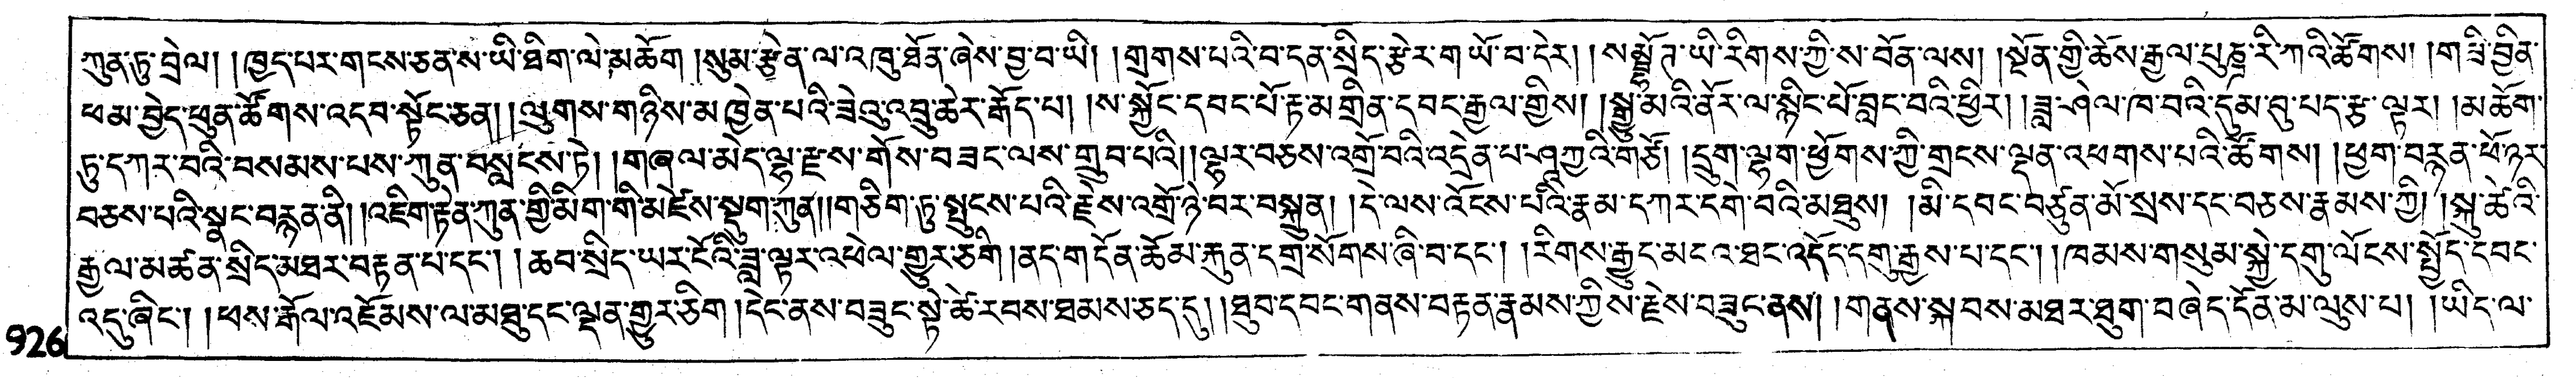ཀུན་ཏུ་བྲེལ། །ཁྱད་པར་གངས་ཅན་ས་ཡི་ཐིག་ལེ་མཆོག །སུམ་རྩེན་ལ་འཁུ་ཐོན་ཞེས་བྱ་བ་ཡི། །གྲགས་པའི་བ་དན་སྲིད་རྩེར་གཡོ་བ་དེར། །སམྦྷོཊ་ཡི་རིགས་ཀྱི་ས་བོན་ལས། །སྔོན་གྱི་ཆོས་རྒྱལ་པུཎྜ་རི་ཀའི་ཚོགས། །གཟི་བྱིན་
ཕམ་བྱེད་ཕུན་ཚོགས་འདབ་སྟོང་ཅན། །ལུགས་གཉིས་མཁྱེན་པའི་ཟེའུ་འབྲུ་ཆེར་རྒོད་པ། །ས་སྐྱོང་དབང་པོ་རྟ་མགྲིན་དབང་རྒྱལ་གྱིས། །སྒྱུ་མའི་ནོར་ལ་སྙིང་པོ་བླང་བའི་ཕྱིར། །ཟླ་ཤེལ་ཁ་བའི་དུམ་བུ་པད་རྩ་ལྟར། །མཆོག་
ཏུ་དཀར་བའི་བསམས་པས་ཀུན་བསླངས་ཏེ། །གཞལ་མེད་ལྷ་རྫས་གོས་བཟང་ལས་གྲུབ་པའི། །ལྷར་བཅས་འགྲོ་བའི་འདྲེན་པ་ཤཱཀྱའི་གཙོ། །དྲུག་ལྷག་ཕྱོགས་ཀྱི་གྲངས་ལྡན་འཕགས་པའི་ཚོགས། །ཕྱག་བརྙན་ཕོ་ཉར་
བཅས་པའི་སྣང་བརྙན་ནི། །འཇིག་རྟེན་ཀུན་གྱི་མིག་གི་མཛེས་སྡུག་ཀུན། །གཅིག་ཏུ་སྤུངས་པའི་རྗེས་འགྲོ་ཉེ་བར་བསྐྲུན། །དེ་ལས་འོངས་པའི་རྣམ་དཀར་དགེ་བའི་མཐུས། །མི་དབང་བཙུན་མོ་སྲས་དང་བཅས་རྣམས་ཀྱི། །སྐུ་ཚེའི་
རྒྱལ་མཚན་སྲིད་མཐར་བརྟན་པ་དང་། །ཆབ་སྲིད་ཡར་ངོའི་ཟླ་ལྟར་འཕེལ་གྱུར་ཅིག །ནད་གདོན་ཆོམ་རྐུན་དགྲ་སོགས་ཞི་བ་དང་། །རིགས་རྒྱུད་མངའ་ཐང་འདོད་དགུ་རྒྱས་པ་དང་། །ཁམས་གསུམ་སྐྱེ་དགུ་ལོངས་སྤྱོད་དབང་
འདུ་ཞིང་། །ཕས་རྒོལ་འཇོམས་ལ་མཐུ་དང་ལྡན་གྱུར་ཅིག །དེང་ནས་བཟུང་སྟེ་ཚེ་རབས་ཐམས་ཅད་དུ། །ཐུབ་དབང་གནས་བརྟན་རྣམས་ཀྱིས་རྗེས་བཟུང་ནས། །གནས་སྐབས་མཐར་ཐུག་བཞེད་དོན་མ་ལུས་པ། །ཡིད་ལ་